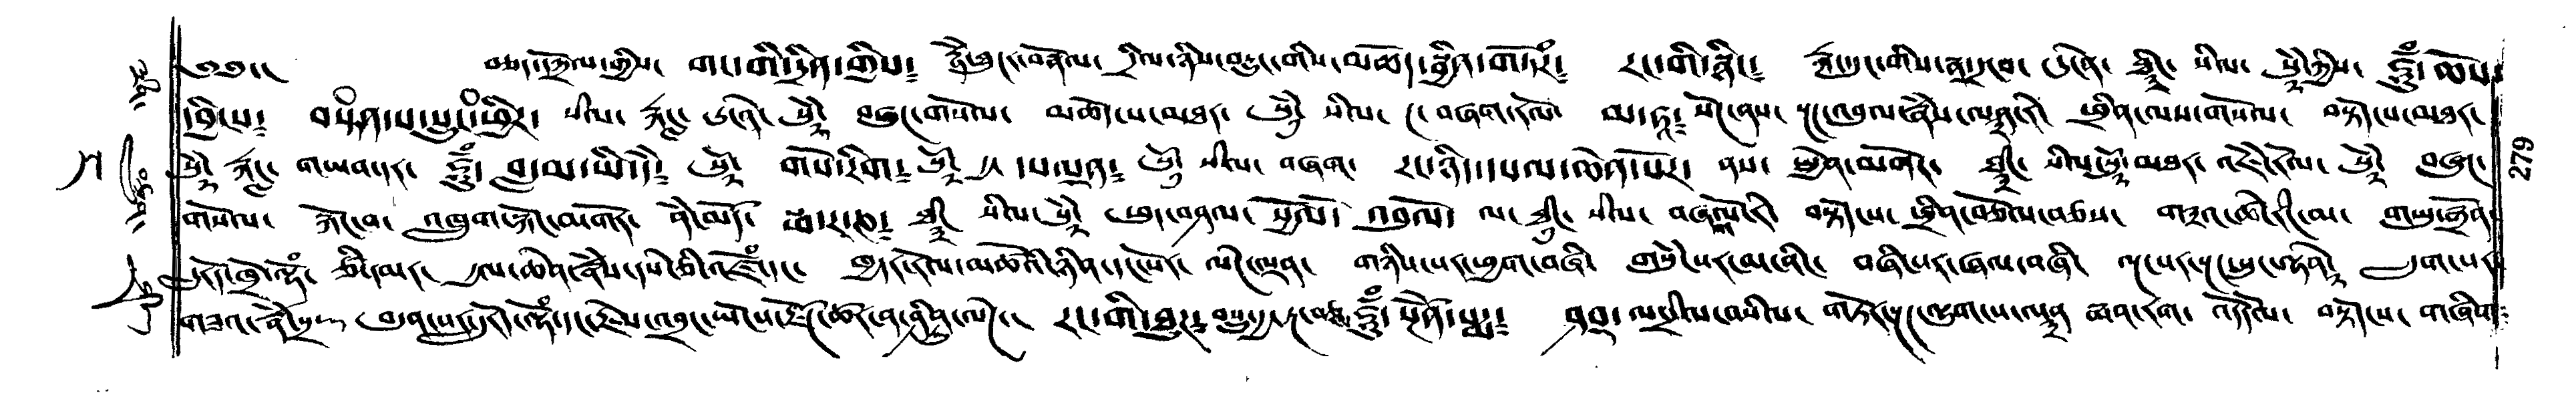བཅད་དཀྲོལ་གྱིས། གང་གི་དྲིན་གྱིས༴ རྡོ་རྗེ་ཐུགས་ཀར་བསྣོལ། དྲིལ་གཉིས་རྡུང་གིས། མཆོད་སྦྱིན་གཏོར་མ༴ རང་གི་སྙིང༴ རྐང་དུང་གིས་སྣ་དྲངས། དུང་ཆེན། ཐིང་། གསུམ། སིལ། གསུམ་གཉིས་ཀྱིས། ཧཱུྃ། ཆོས་
དབྱིངས༴ བསྟན་པ་སྲུང་ཕྱིར༴ སིལ། རྐང་། བཞི། དུང་ཆེ།་སུམ། གཉིས། བཞུགས་གསོལ། མཆོད་པ་མཐར། སུམ། གཅིག སིལ། ཌཱ། བཞག་རོལ། མ་ཧཱ༴ སོགས་ནས། སྔགས་འབུལ་རྣམས་ལན་གསུམ་རེ། ཕྲིན་ལས་གསོལ། བསྟོད་པ་མཐར། 
སུམ། གཉིས། རྐང་། བཞི། གཡབ་དར། ཧཱུྃ། བླ་མ་ཡི་དམ༴ སུམ། གཉིས། གསོ་རིག༴ སུམ། གཉིས། རྒྱ། དཔལ་ལྡན༴ སུམ། གཅིག སིལ། བཞག རང་ཉིད་དཔལ་ཆེན་པོར༴ ནས། སྤྱན་འདྲེན་མགོར། ཐིང་། གསུམ། སིལ། སུམ་གཉིས་མཐར། འཇམ་རོལ། སུམ། གཉིས། བཞུགས་
གསོལ། སྐོང་བ། འཁྲུགས་སྐོང་མགོར། ནམ་མཛོད། སྥ་ར་ཎ༴ ཐིང་། གསུམ། སིལ། སུམ། གཉིས། ཕུད་བཤལ། གསོལ་ལོ།འབུལ་ལོ། ལ་ཐིང་། གཅིག སིལ། བཞག་རོལ་རེ། བསྟོད་པ། ཕྲིན་བཅོལ་བཅས། གཟའ། ཚེ་རིང་མ། གཡུ་སྒྲོན། 
དུར་ཁྲོད་ལྷ་མོ། ཙི་དམར། རྒྱལ་ཆེན་རྣམས་དཔེ་ཅི་འཛོམས་དང་། ཁྱབ་པར་རོལ་མཚོའི་ཉིན་དང་པོར་ལེགས་ལྡན། གཉིས་པར་ཕྱག་བཞི། གསུམ་པར་མ་ནིང་། བཞི་པར་ཞལ་བཞི། ལྔ་པར་སྔགས་སྲུང་དང་ངན་ནེ་གཉིས། དྲུག་པར་
གཟའ་དང་རྣམ་སྲས། བདུན་པར་དུར་ཁྲོད་ལྷ་མོ་དང་རྗེ་བྲངས་ཡོངས་རྫོགས་ཚར་ན་ཤིན་ཏུ་ལེགས། རང་གི་ཐུགས༴ བསྡུ་རྒྱ། རྔ་བཅས། ཧཱུྃ། སློབ་དཔོན་པདྨ༴ ཤབྡ༴ ལ་དྲིལ་བསིལ། གཏོར་སྔགས་ལྷུག་པ་ལན་གསུམ། སྨན་རཀ འདོད་གསོལ། བསྟོད་པ། གཞི་བདག་